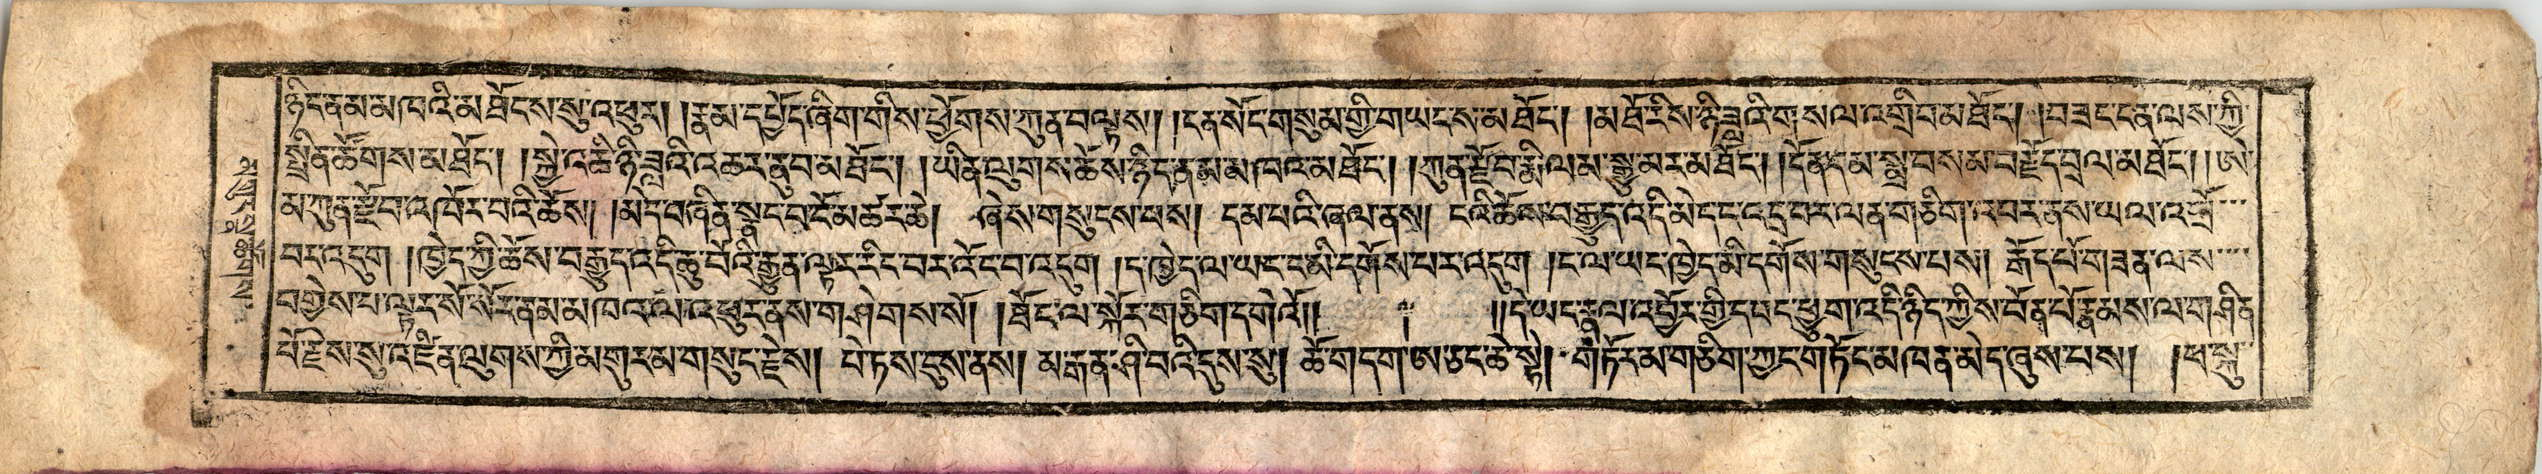ཉིད་ནམ་མཁའི་མཐོངས་སུ་འཕུར། །རྣམ་དཔྱོད་ཞིག་གིས་ཕྱོགས་ཀུན་བལྟས། །ངན་སོང་གསུམ་གྱི་གཡང་ས་མཐོང། །མཐོ་རིས་ཉི་ཟླའི་གསལ་འགྲིབ་མཐོང་། །བཟང་ངན་ལས་ཀྱི་
སྤྲིན་ཚོགས་མཐོང་། །སྐྱེ་འཆི་ཉི་ཟླའི་འཆར་ནུབ་མཐོང་། །ཡིན་ལུགས་ཆོས་ཉིད་ནམ་མཁའ་མཐོང་། །ཀུན་རྫོབ་རྨི་ལམ་སྒྱུ་མར་མཐོང་། །དོན་དམ་སྨྲ་བསམ་བརྗོད་བྲལ་མཐོང་། །ཨེ་
མ་ཀུན་རྫོབ་འཁོར་བའི་ཆོས། །མེད་བཞིན་སྣང་བ་ངོ་མཚར་ཆེ། ཞེས་གསུངས་པས། དམ་པའི་ཞལ་ནས། ངའི་ཆོས་བརྒྱུད་འདི་མེ་དང་འདྲ་བར་ལན་གཅིག་འབར་ནས་ཡལ་འགྲོ་
བར་འདུག །ཁྱེད་ཀྱི་ཆོས་བརྒྱུད་འདི་ཆུ་བོའི་རྒྱུན་ལྟར་རིང་བར་འོང་བ་གདའ། །ད་ཁྱེད་ལ་ཡང་ང་མི་དགོས་པར་འདུག །ང་ལ་ཡང་ཁྱེད་མི་དགོས་གསུངས་པས། རྒོད་པ་གཟན་ལས་
བགྱེས་པ་ལྟར་སོ་སོར་ནམ་མཁའ་ལ་འཕུར་ནས་གཤེགས་སོ། །ཐོང་ལ་སྐོར་གཅིག་དགེའོ།། དེ་ཡང་རྣལ་འབྱོར་གྱི་དབང་ཕྱུག་འདི་ཉིད་ཀྱིས་བོན་པོ་རྣམས་ལ་གཤིན་
པོ་རྗེས་སུ་འཛིན་ལུགས་ཀྱི་མགུར་མ་གསུང་རྗེས། པེ་ཏས་ངུས་ནས། མ་རྒན་ཤི་བའི་དུས་སུ། ཆོ་ག་དག་ཨ་ཅང་ཆེ་སྟེ། གཏོར་མ་གཅིག་ཀྱང་གཏོང་མཁན་མེད་ཞུས་པས། །ཕ་སྐུ་{275-276 two pages are dubbled}